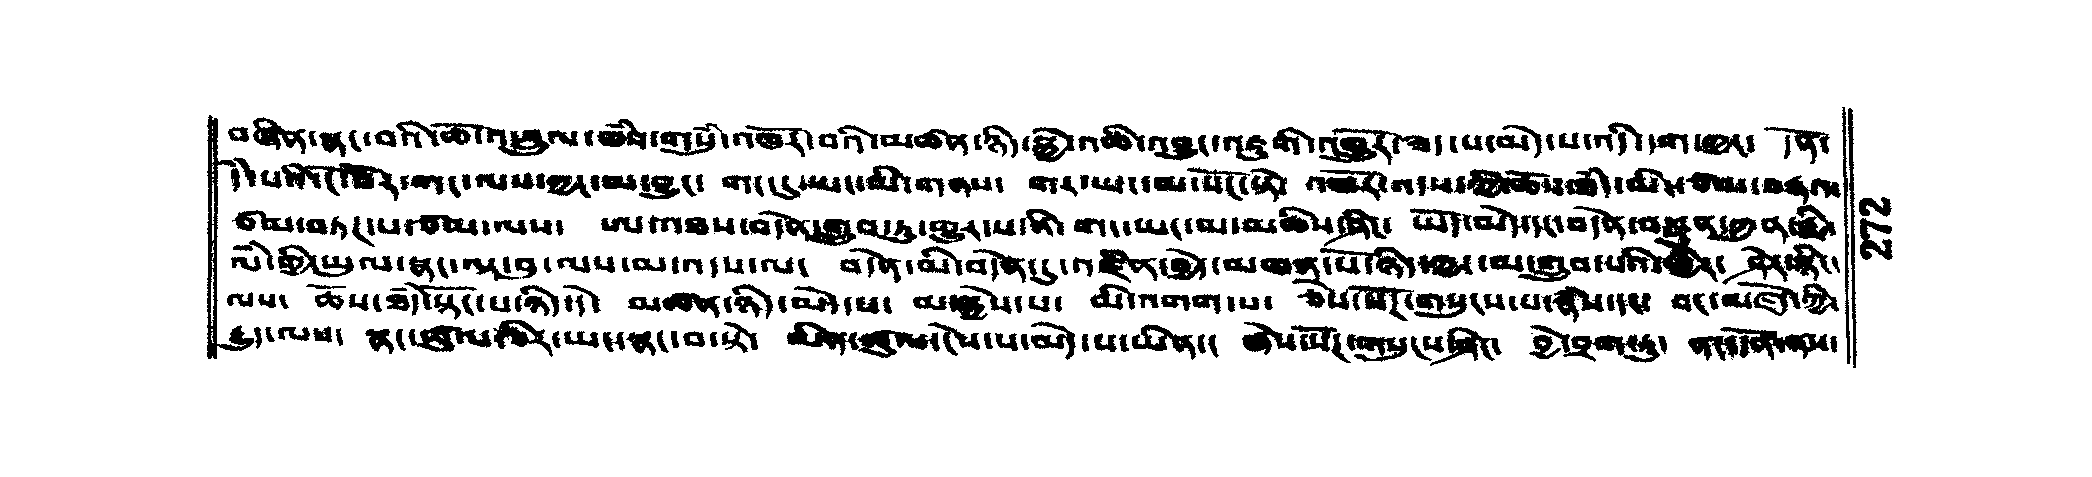བཞིན་སྣང་བའི་ཆོ་འཕྲུལ་ཁམས་གསུམ་འཁོར་བའི་མཚན་ཉིད་སྐྱེ་འཆི་འབྱུང་འཇུག་གི་འཁྲུལ་འཁོར་ཟད་པ་མེད་པ་འདི་དག་ཀྱང་། དོན་
དམ་པའི་ངོ་བོར་གང་ལས་ཀྱང་མ་བྱུང་། གང་དུ་ཡང་མི་གནས། གར་ཡང་མ་སོང་སྟེ། འཁོར་འདས་ཀྱི་ཆོས་ཐམས་ཅད་མིང་ཙམ་བརྡ་
ཙམ་བཏགས་པ་ཙམ་ལས། ཨ་འཐས་བདེན་གྲུབ་ཏུ་གྱུར་པ་ནི་གང་ཡང་མ་མཆིས་ཤིང་། ཡོད་མེད་དང་བདེན་བརྫུན་ཀུན་རྨི་
ལམ་གྱི་ཡུལ་སྣང་ལྟ་བུ་ལས་མ་འདས་ལ། བདེན་མི་བདེན་དུ་འཛིན་བྱེད་མཁན་པོ་ཉིད་ཀྱང་མ་གྲུབ་པའི་ཁྱེར། ཤེར་སྙིང་
ལས། ཆོས་ཐམས་ཅད་སྟོང་པ་ཉིད་དེ། མཚན་ཉིད་མེད་པ། མ་སྐྱེས་པ། མི་འགག་པ། ཞེས་སོགས་གསུངས་པ་རྣམས་དང་། བང་མཛོད་ཀྱི་
རྒྱུད་ལས། སྣང་ཚུལ་ཅིར་ཡང་སྣང་བ་སྟེ། །ཡིན་ཚུལ་ངེས་པ་མེད་པ་ཡིན། ཞེས་སོགས་གསུངས་ཤིང་། བྱེ་བྲག་ཏུ། ནང་དོན་ནས་